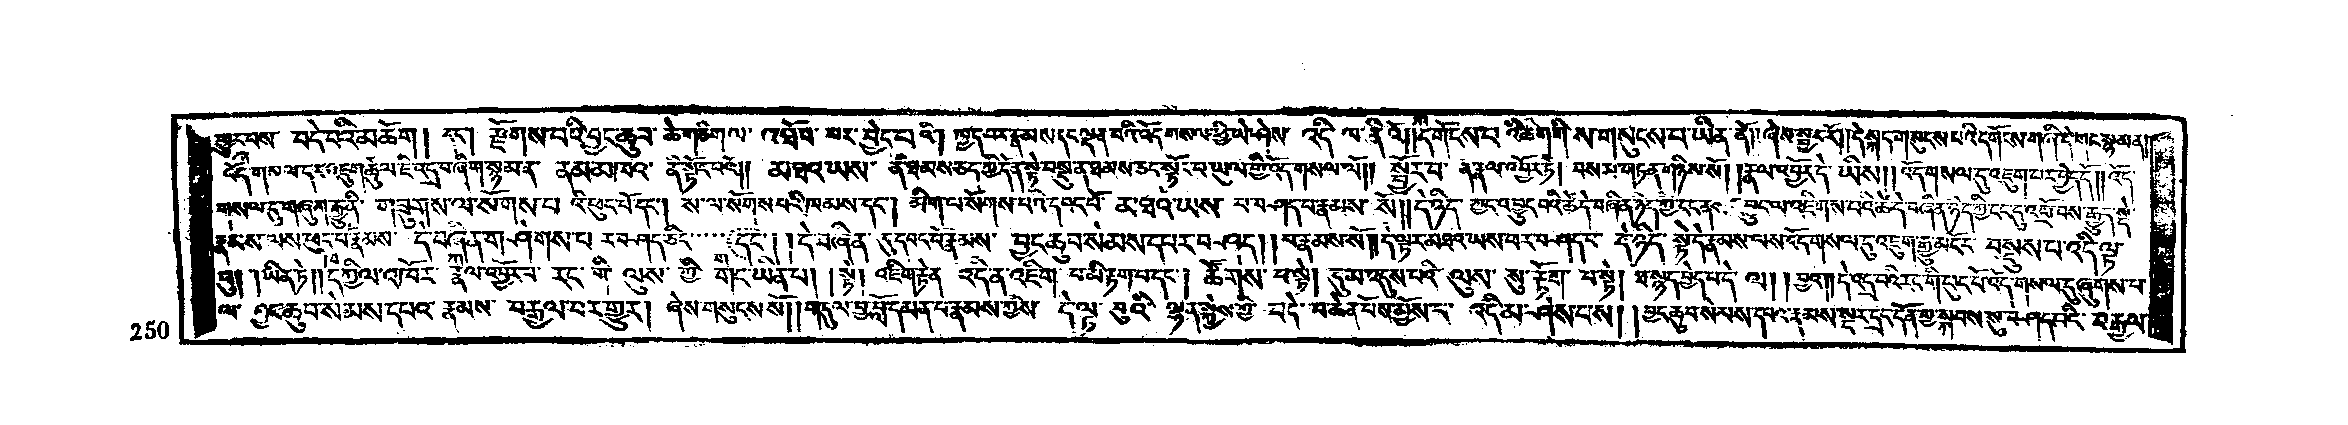གྱུར་པས་བདེ་བའི་མཆོག ། དང། རྫོགས་པའི་བྱང་ཆུབ་ཆེ་གཅིག་ལ་འཐོབ་པར་བྱེད་པའི། ཁྱད་པར་རྣམས་དང་ལྡན་པའི་འོད་གསལ་གྱི་ཡེ་ཤེས་འདི་ལ་ནིའོ། །ཀ་དགོངས་པའི་ཚིག་གིས་གསུངས་པ་ཡིན་ནོ། །ཞེས་སྦྱར་རོ། །དེ་སྐད་གསུངས་པའི་དགོངས་གཞི་དེ་གང་སྙམ་ན།
ག་འོད་གསལ་དང་འཇུག་ཚུལ་ཇི་འདྲ་བ་ཞིག་སྙམ་ན་ནམ་མཁའ་ནི་སྟོང་པའོ།། མཐའ་ཡས་ནི་ཐམས་ཅད་ཀྱི་དོན་སྟེ་བསྡུ་ན་ཐམས་ཅད་སྟོང་པ་ཡུལ་གྱི་འོད་གསལ་ལོ།། སྦྱོར་བ་ནི་རྣལ་འབྱོར་ཏེ། བསམ་གཏན་གཉིས་སོ། །རྣལ་འབྱོར་དེ་ཡིས། །འོད་གསལ་དུ་འཇུག་པར་བྱེད་དོ། །འོད་
གསལ་དུ་གཞུག་རྒྱུ་ནི་གཟུགས་ལ་སོགས་པའི་ཕུང་པོ་དང་། ས་ལ་སོགས་པའི་ཁམས་དང་། མིག་ལ་སོགས་པའི་དབང་པོ་མཐའ་ཡས་པ་བཤད་པ་རྣམས་སོ། །དེ་ཉིད་ཀྱང་འབྱུང་བའི་ཚེ་དེ་བཞིན་ཉིད་ཀྱི་ངང་ནས་འབྱུང་ལ་འཇིགས་པའི་ཚེ་དེ་བཞིན་ཉིད་ཀྱི་ངང་དུ་འགྲོ་བས་རྒྱུད་སྡེ་
རྣམས་ལས་ཕུང་པོ་རྣམས་དེ་བཞིན་གཤེགས་པར་བཤད་ཅིང་དང་། །དེ་བཞིན་དུ་དབང་པོ་རྣམས་བྱང་ཆུབ་སེམས་དཔར་བཤད། ། པ་རྣམས་སོ། །དེ་ལྟར་མཐའ་ཡས་པར་བཤད་པ་དེ་ཉིད་སྟེ་དེ་རྣམས་ལས་འོད་གསལ་དུ་འཇུག་རྒྱུ་མདོར་བསྡུས་པ་འདི་ལྟ་
བུ། ། ཡིན་ཏེ།། ཁ་དཀྱིལ་འཁོར་ཀ་རྣལ་འབྱོར་པ་རང་གི་ལུས་ཀྱི་ག་གང་ཡིན་པ། ། སྟེ། འཇིག་རྟེན་འདི་ན་འཇིག་པ་མི་རྟག་པ་དང། ཚོགས་པ་སྟེ། དུ་མ་འདུས་པའི་ལུས་སུ་རྟོག་པ་སྟེ། ཐ་སྙད་བྱེད་པ་དེ་ལ། །བྱའོ། །དེ་འདྲ་བའི་རང་གི་ཕུང་པོ་འོད་གསལ་དུ་ཞུགས་པ་
ལ་བྱང་ཆུབ་སེམས་དཔའ་རྣམས་བརྒྱལ་བར་གྱུར། ཞེས་གསུངས་སོ། །གདུལ་བྱ་བློ་དམན་པ་རྣམས་ཀྱིས་དེ་ལྟ་བུའི་ལྷན་སྐྱེས་ཀྱི་བདེ་བ་ཆེན་པོས་མྱོས་པ་འདི་མ་ཤེས་པས། ། བྱང་ཆུབ་སེམས་དཔའ་རྣམས་སྔར་དྲང་དོན་གྱི་སྐབས་སུ་བཤད་པའི་བརྒྱལ་